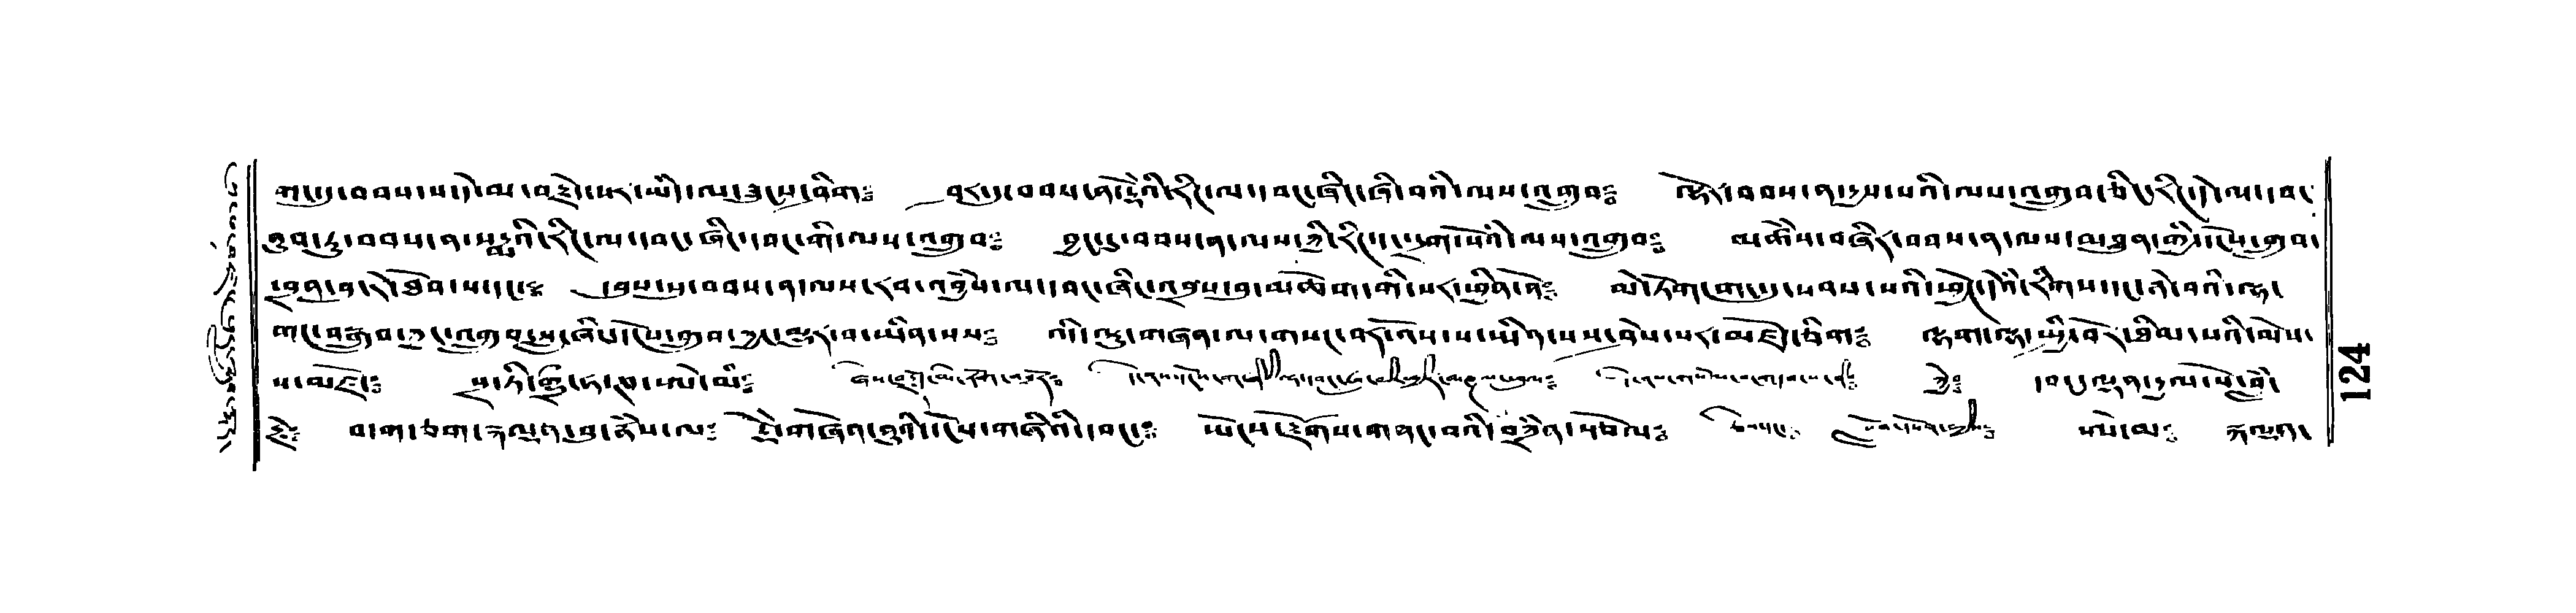གང་དུ་བབས་པ་དེ་མ་བརྗེད་པར་ཡིད་ལ་ཟུངས་ཤིག༔ ཤར་དུ་བབས་ན་རྡོ་རྗེའི་རིགས་ལ་དབང་ཞིང་ཞི་བའི་ལས་འགྲུབ༔ ལྷོར་བབས་ན་རྒྱས་པའི་ལས་འགྲུབ་ཅིང་རིགས་དེ་ལ་དབང༔ 
ནུབ་ཏུ་བབས་ན་པདྨའི་རིགས་ལ་དབང་ཞིང་དབང་གི་ལས་འགྲུབ༔ བྱང་དུ་བབས་ན་ལས་ཀྱི་རིགས་དང་དྲག་པོའི་ལས་འགྲུབ༔ མཚམས་བཞིར་བབས་ན་ལས་མཐུན་གྱི་དངོས་གྲུབ་
ཕྲན་བུ་རེ་ཐོབ་པ་དང༔ དབུས་སུ་བབས་ན་ལས་རབ་འབྱམས་ལ་དབང་ཞིང་འབྲས་བུ་མཆོག་གི་སར་ཕྱིན་ནོ༔ མེ་ཏོག་གང་དུ་བབས་པའི་ཕྱོགས་དེའི་རིགས་དང་ཉེ་བའི་ལྷ་
གང་བསྒྲུབ་ཀྱང་འགྲུབ་སླ་ཞིང་དངོས་གྲུབ་ཀྱང་མྱུར་བ་ཡིན་པས༔ འདི་ལྟ་བུ་གཞན་ལ་གསང་བར་འོས་པ་ཡིན་པས་ཤེས་པར་མཛོད་ཅིག༔ ལྷག་ལྷ་སྤྱི་བོར་ཐིམ་པའི་མོས་
པ་མཛོད༔ པྲ་ཏི་གྷྲྀ་ཧ་ཎ་ཨེ་མཾ༔ ཞེས་བརྗོད་མེ་ཏོག་མཐོར༔ དེ་ནས་དངོས་གཞིའི་ལྷ་དབང་ཞུ་བའི་ཕྱིར་མཎྜལ་ཕུལ༔ དེ་ནས་གསོལ་བ་གདབ་པ་ནི༔ ཀྱཻ༔ དབང་ལྡན་རྒྱལ་པོ་བླ་མ་
རྗེ༔ བདག་ཅག་སྐལ་ལྡན་བུ་རྣམས་ལ༔ རྡོ་རྗེ་གཞོན་ནུའི་དངོས་གཞིའི་དབང༔ ཡོངས་རྫོགས་གནང་བའི་བཀའ་དྲིན་སྩོལ༔ ཅེས་དང༔ སློབ་དཔོན་གྱིས༔ཨེ་མ༔ སྐལ་ལྡན་